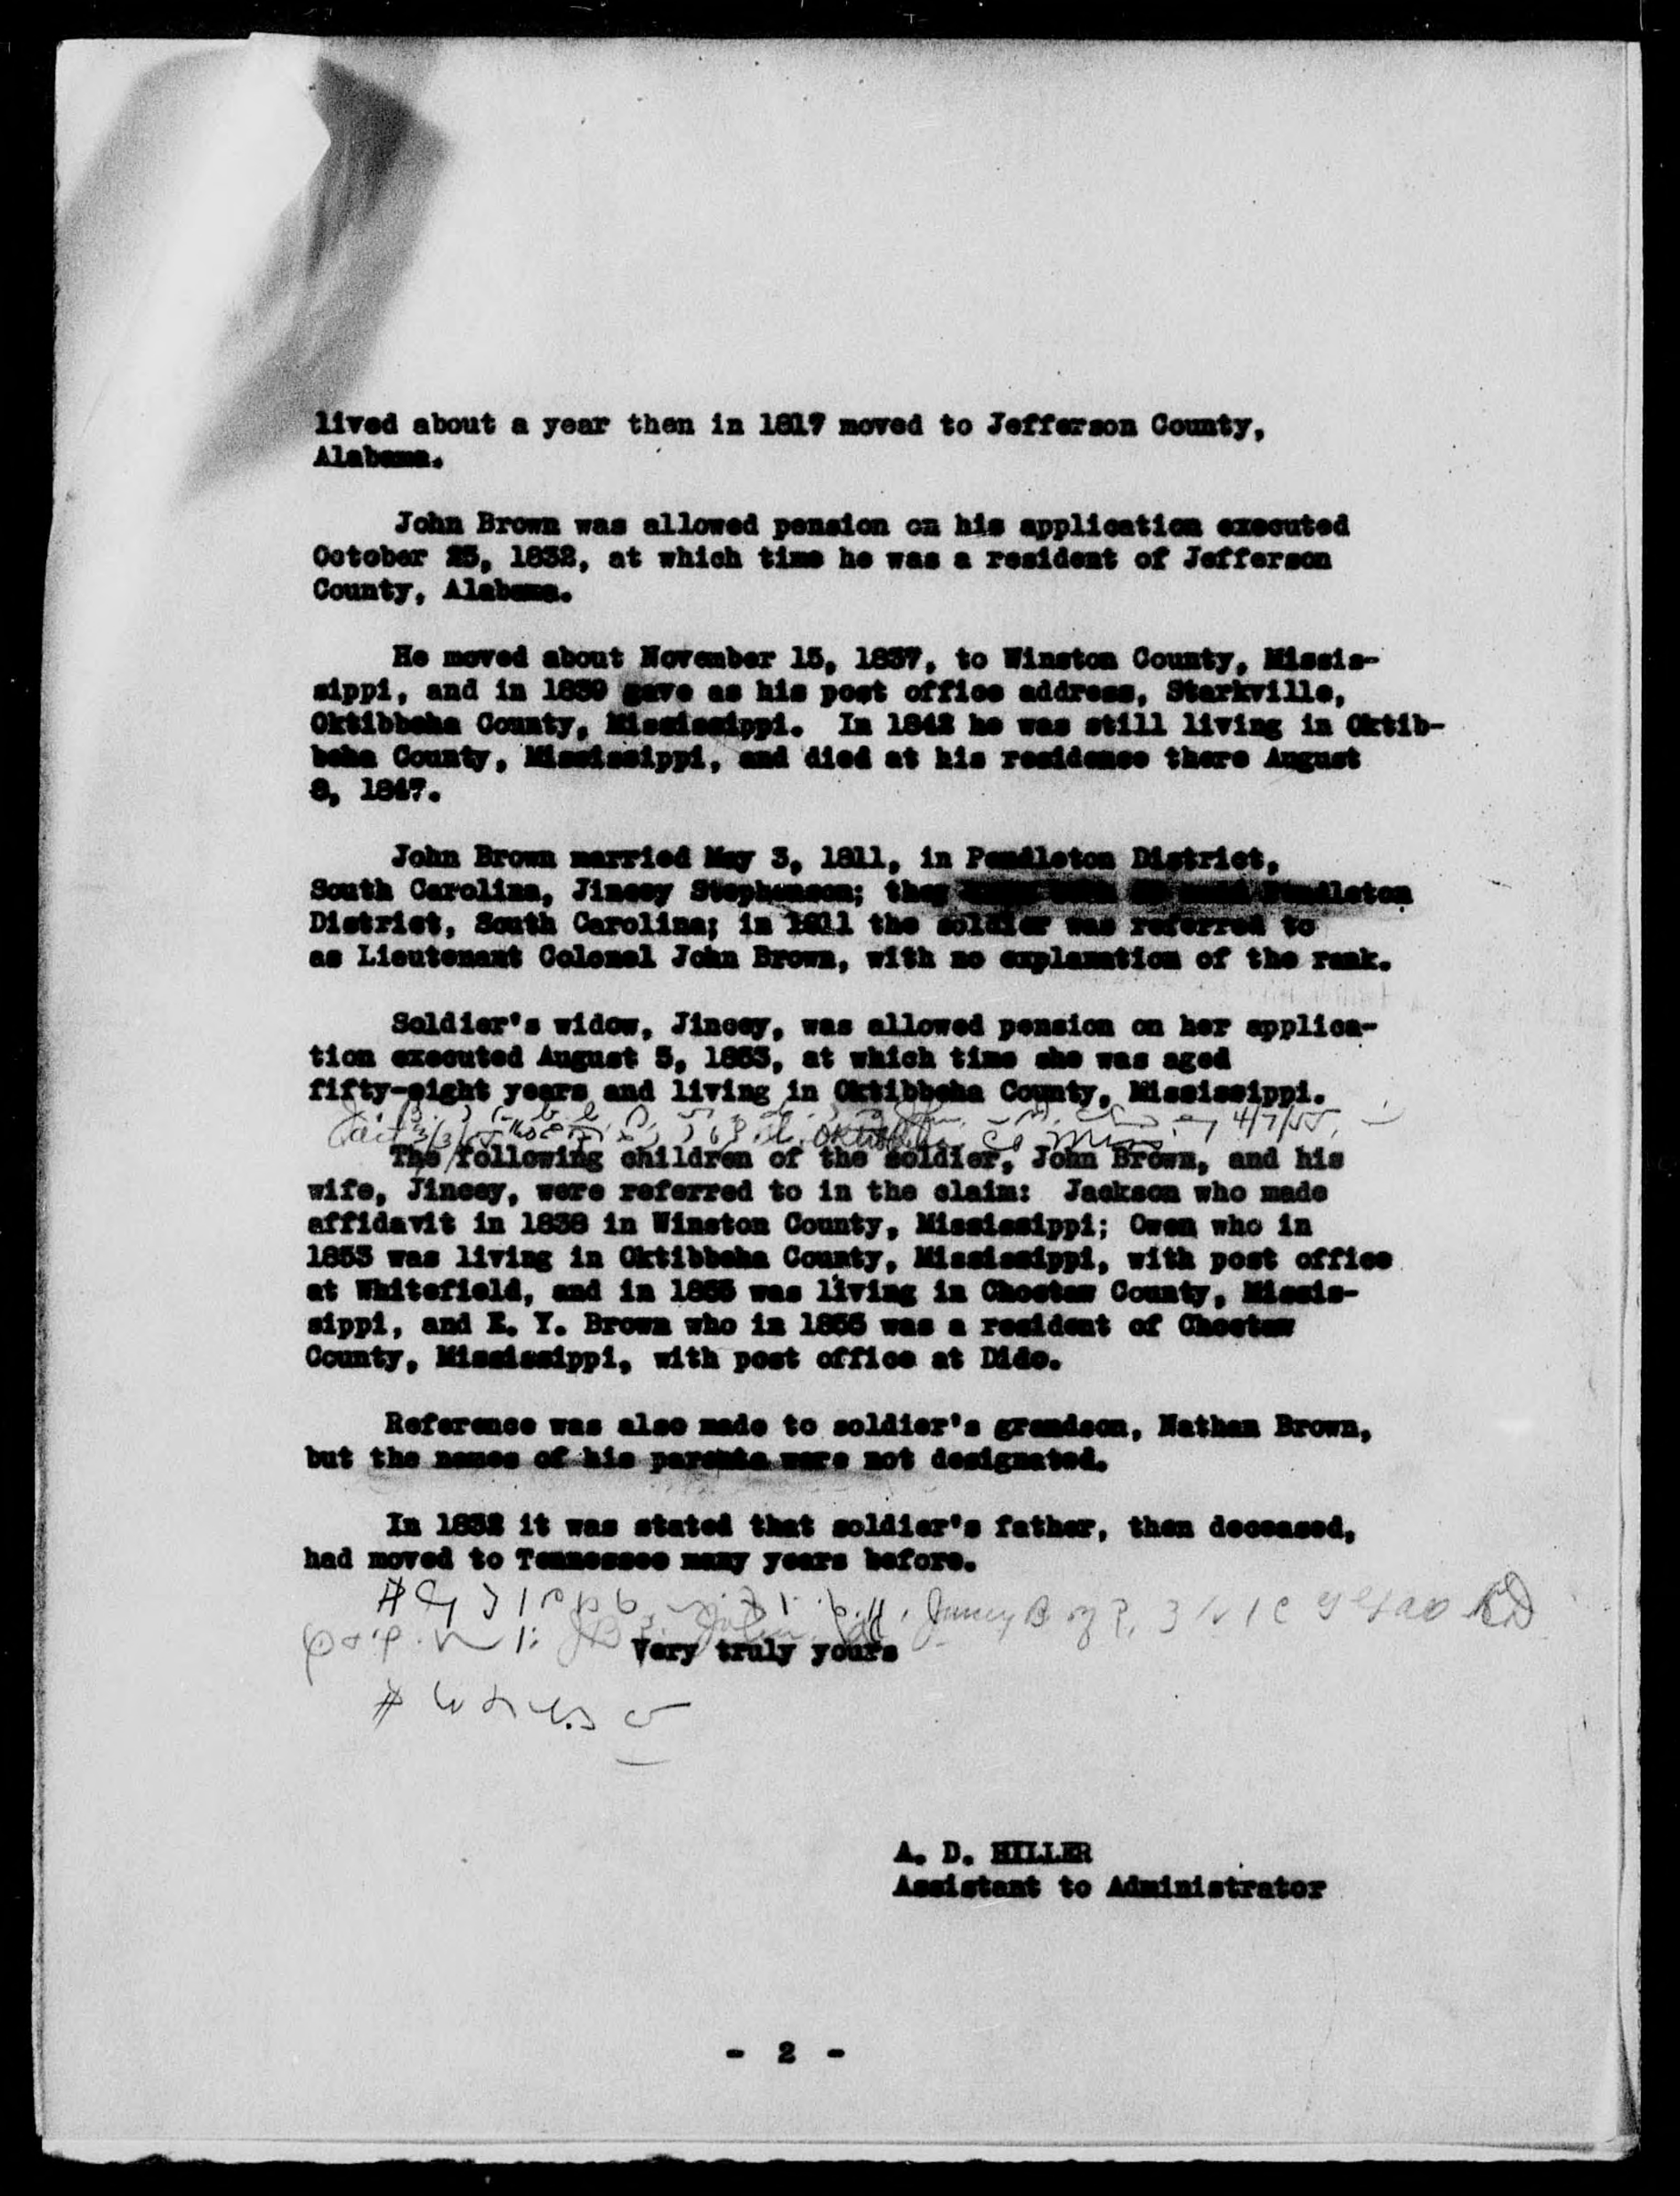[note:  This is a duplicate copy 2nd page of a letter found in this file - John Brown W. 5906] 

 lived about a year, then in 1817 moved to Jefferson County, Alabama.

John Brown was allowed pension on his application executed October 25, 1832, at which time he was a resident  in Jefferson County, Alabama.  

He moved about November 15, 1837, to Winston County, Mississippi, and in 1839 gave as his post-office address, Starkville, Oktibbeha County,  Mississippi.  In 1842 he was still living in Oktibbeha County,  Mississippi and died at his residence  August 8, 1847.

John Brown married May 3, 1811, in Pendleton District, 
South Carolina,  Jincey Stephenson. They were both [illegible]District, South Carolina;   in 1811 the soldier was referred to as Lieutenant Colonel John Brown, with no explanation of the rank.
.
Soldier's widow, Jincey, was allowed pension on her application 
executed August 5, 1865, at which time she was aged fifty-eight years and  living in Oktibbeha County, Mississippi.

The following names of children of John Brown and his 
wife, Jincey, were referred to in the claim:  Jackson who made 
affidavit in Winston County, Mississippi, in 1838; Owen who in 
1853 was living in  Oktibbeha County, Mississippi, with post office 
at Whitefield, and in 1855 he was living in Choctaw County, Mississippi; and E. Y. Brown who in 1855 was a resident of Choctaw County, Mississippi, with post office at Dido.

Reference was also made to soldier's grandson Nathan Brown, 
but the names of his parents were not designated.

In 1832, it was stated that soldier's father, then deceased, 
had moved to Tennessee many years before.

Very truly yours
A. D. HILLER
Executive Assistant to the Administrator

-2-

[note: in 2 placed in this letter there are handwritten notes which appear to be written in  "shorthand" and could not be transcribed]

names: E Y Brown, Jincey Stephenson, John Brown, Jincey, John Brown, Nathan Brown, Jincey, Jackson, John Brown, A D Hiller, John Brown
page: 33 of 85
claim: widow's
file: W. 5,906, John Brown, S.C.